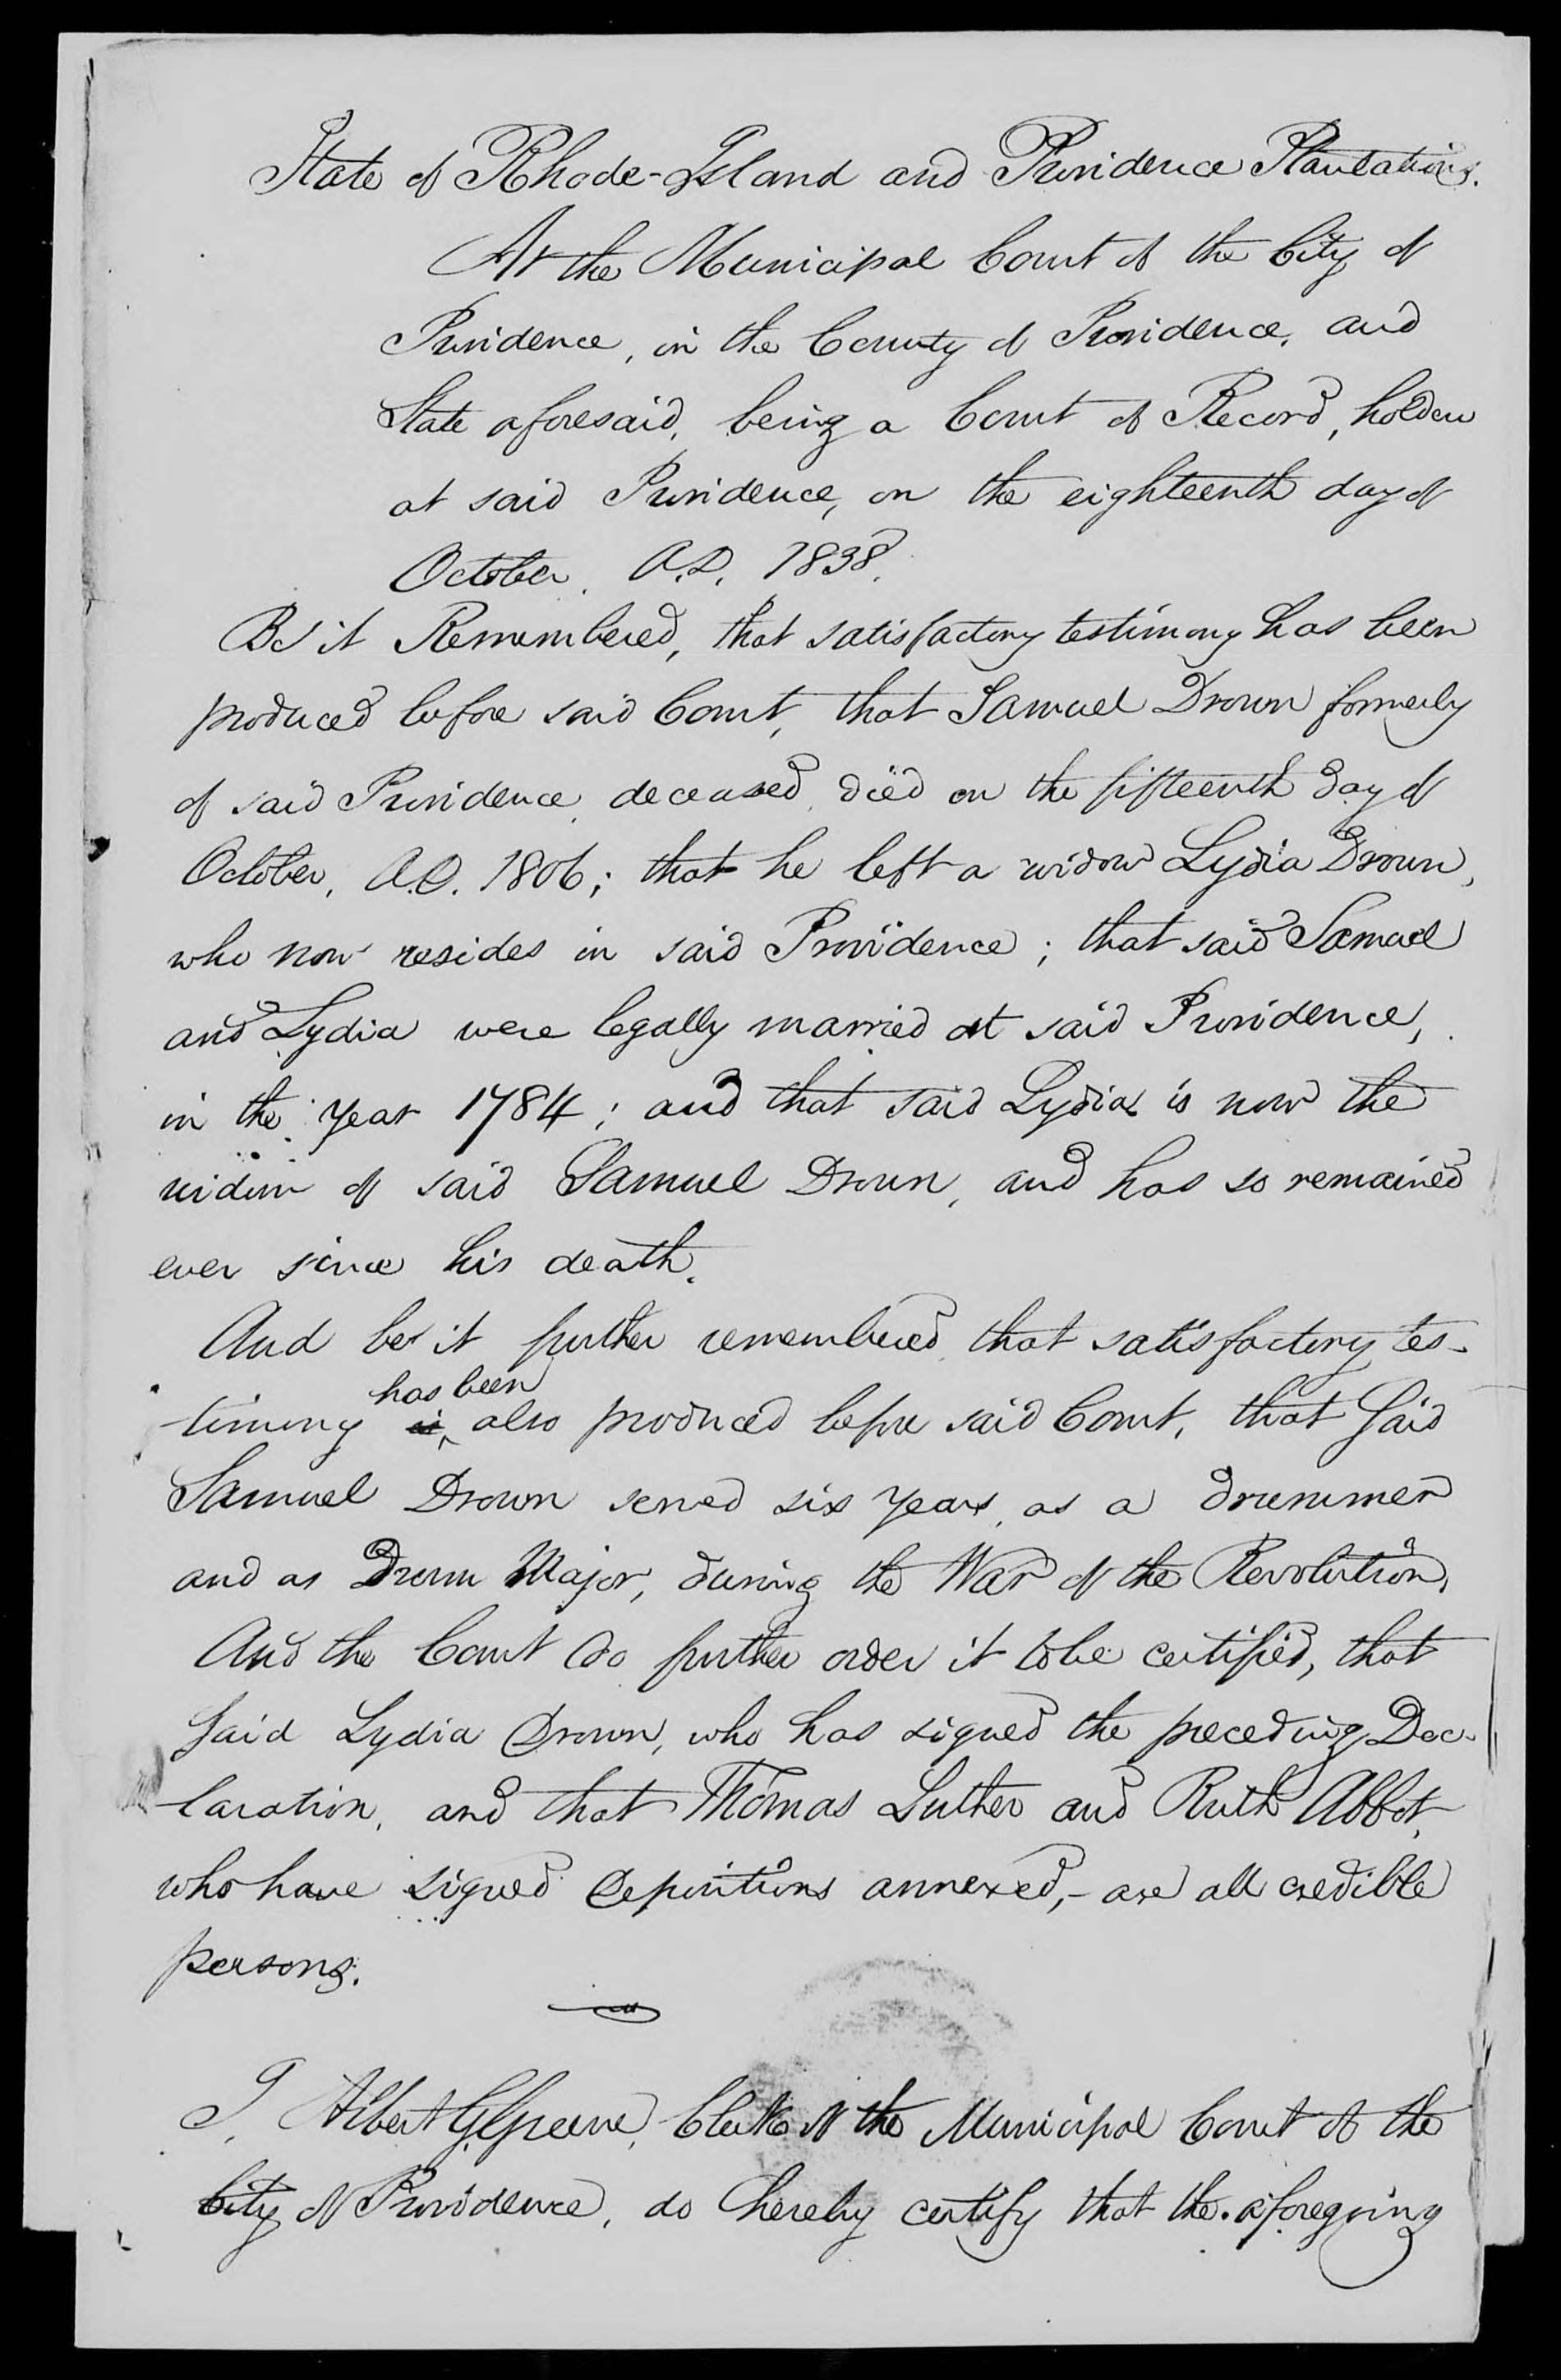State of Rhode-Island and Providence Plantations.

At the Municipal Court of the City of
Providence, in the County of Providence, and
State aforesaid, being a Court of Record, holden
at said Providence, on the eighteenth day of
October A.D. 1838.

Be it Remembered, that satisfactory testimony has been produced before said Court, that Samuel Drown formerly of said Providence, deceased, died on the fifteenth day of October, A.D. 1806; that he left a widow Lydia Drown, who now resides in said Providence; that said James and Lydia were legally married at said Providence, in the year 1784: and that said Lydia is now the widow of said Samuel Drown, and has so remained
ever since his death.

And be it further remembered that satisfactory testimony has been also produced before said Court, that said Samuel Drown served six years, as a drummer and as Drum Major, during the War of the Revolution, 

And the Court do further order it to be certified, that said Lydia Brown, who has signed the preceding declaration, and that Thomas Luther and Ruth Abbot, who have signed depositions annexed, - are all credible persons.

I Albert Greene Clerk of the Municipal Court of the
City of Providence, do hereby certify that the aforegoing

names: Thomas Luther, Lydia Drown, Samuel Drown, Ruth Abbot, Albert G Greene, Samuel Drown, Samuel, Samuel Drown, Lydia, Lydia, Lydia Drown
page: 23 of 31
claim: widow's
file: W 21004, Samuel Drown, R.I.